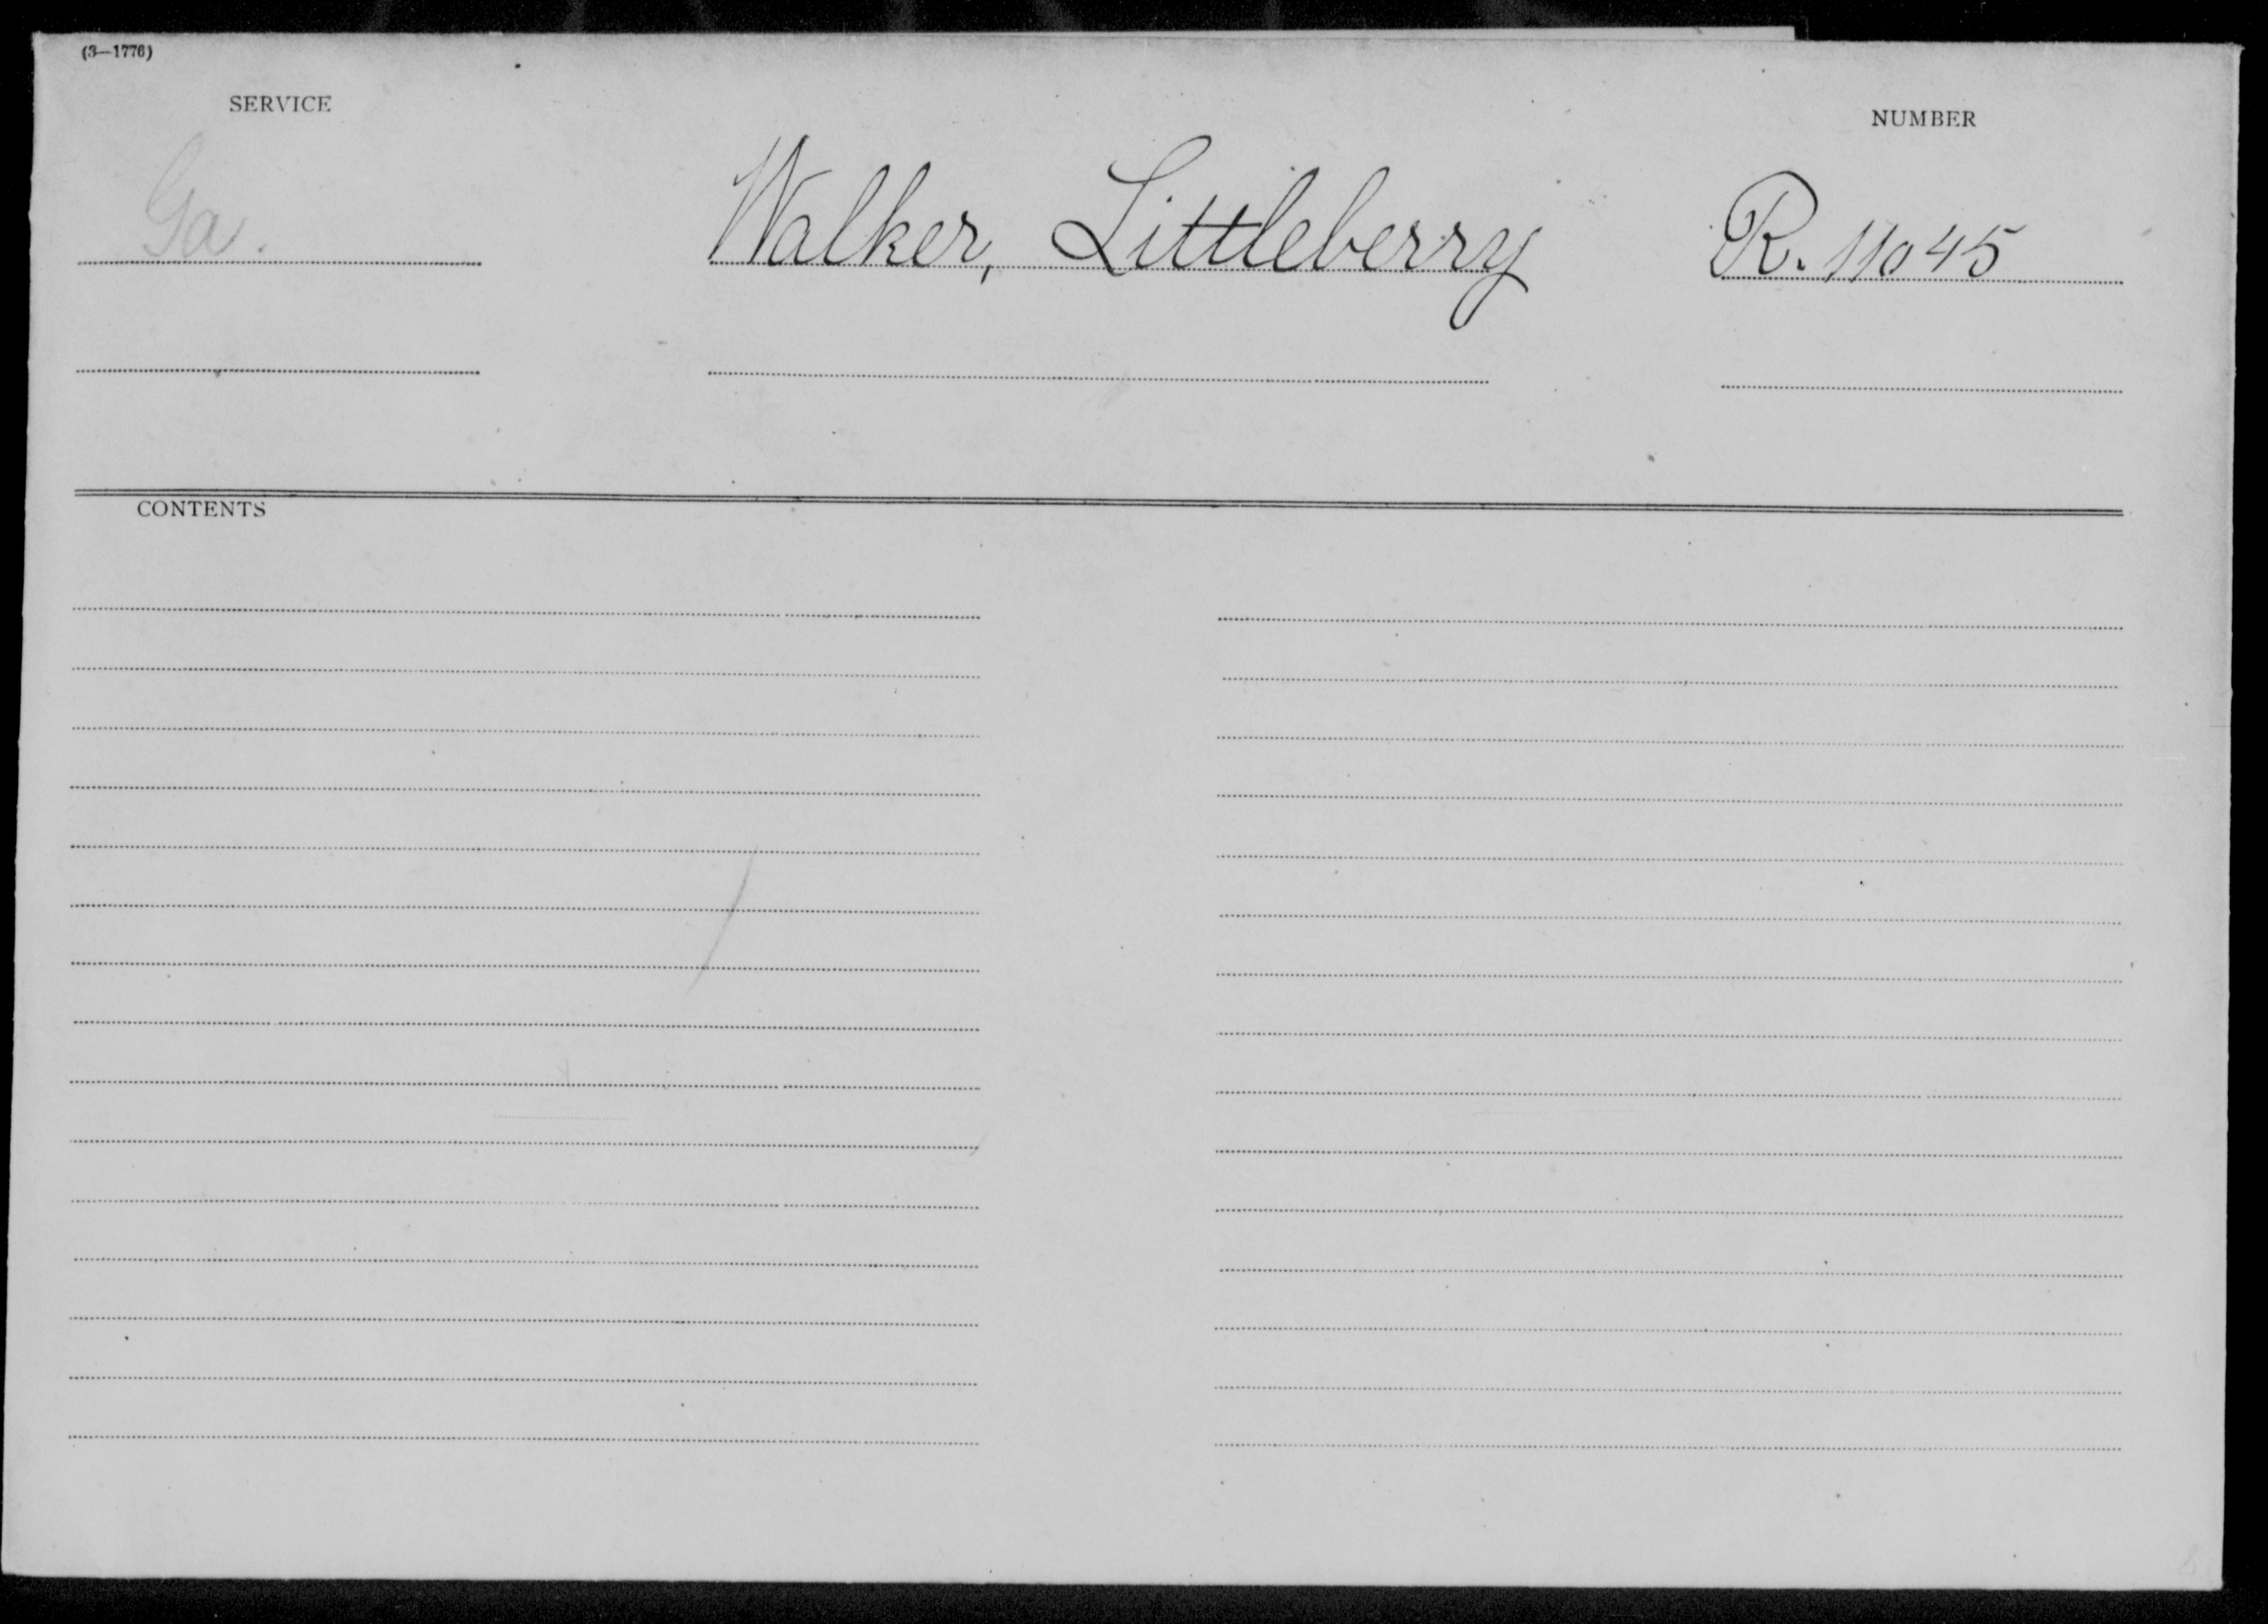Service:  Ga.
Walker, Littleberry
Number:  R.11045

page: 1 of 15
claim: rejected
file: R. 11045, Littleberry Walker, Ga.